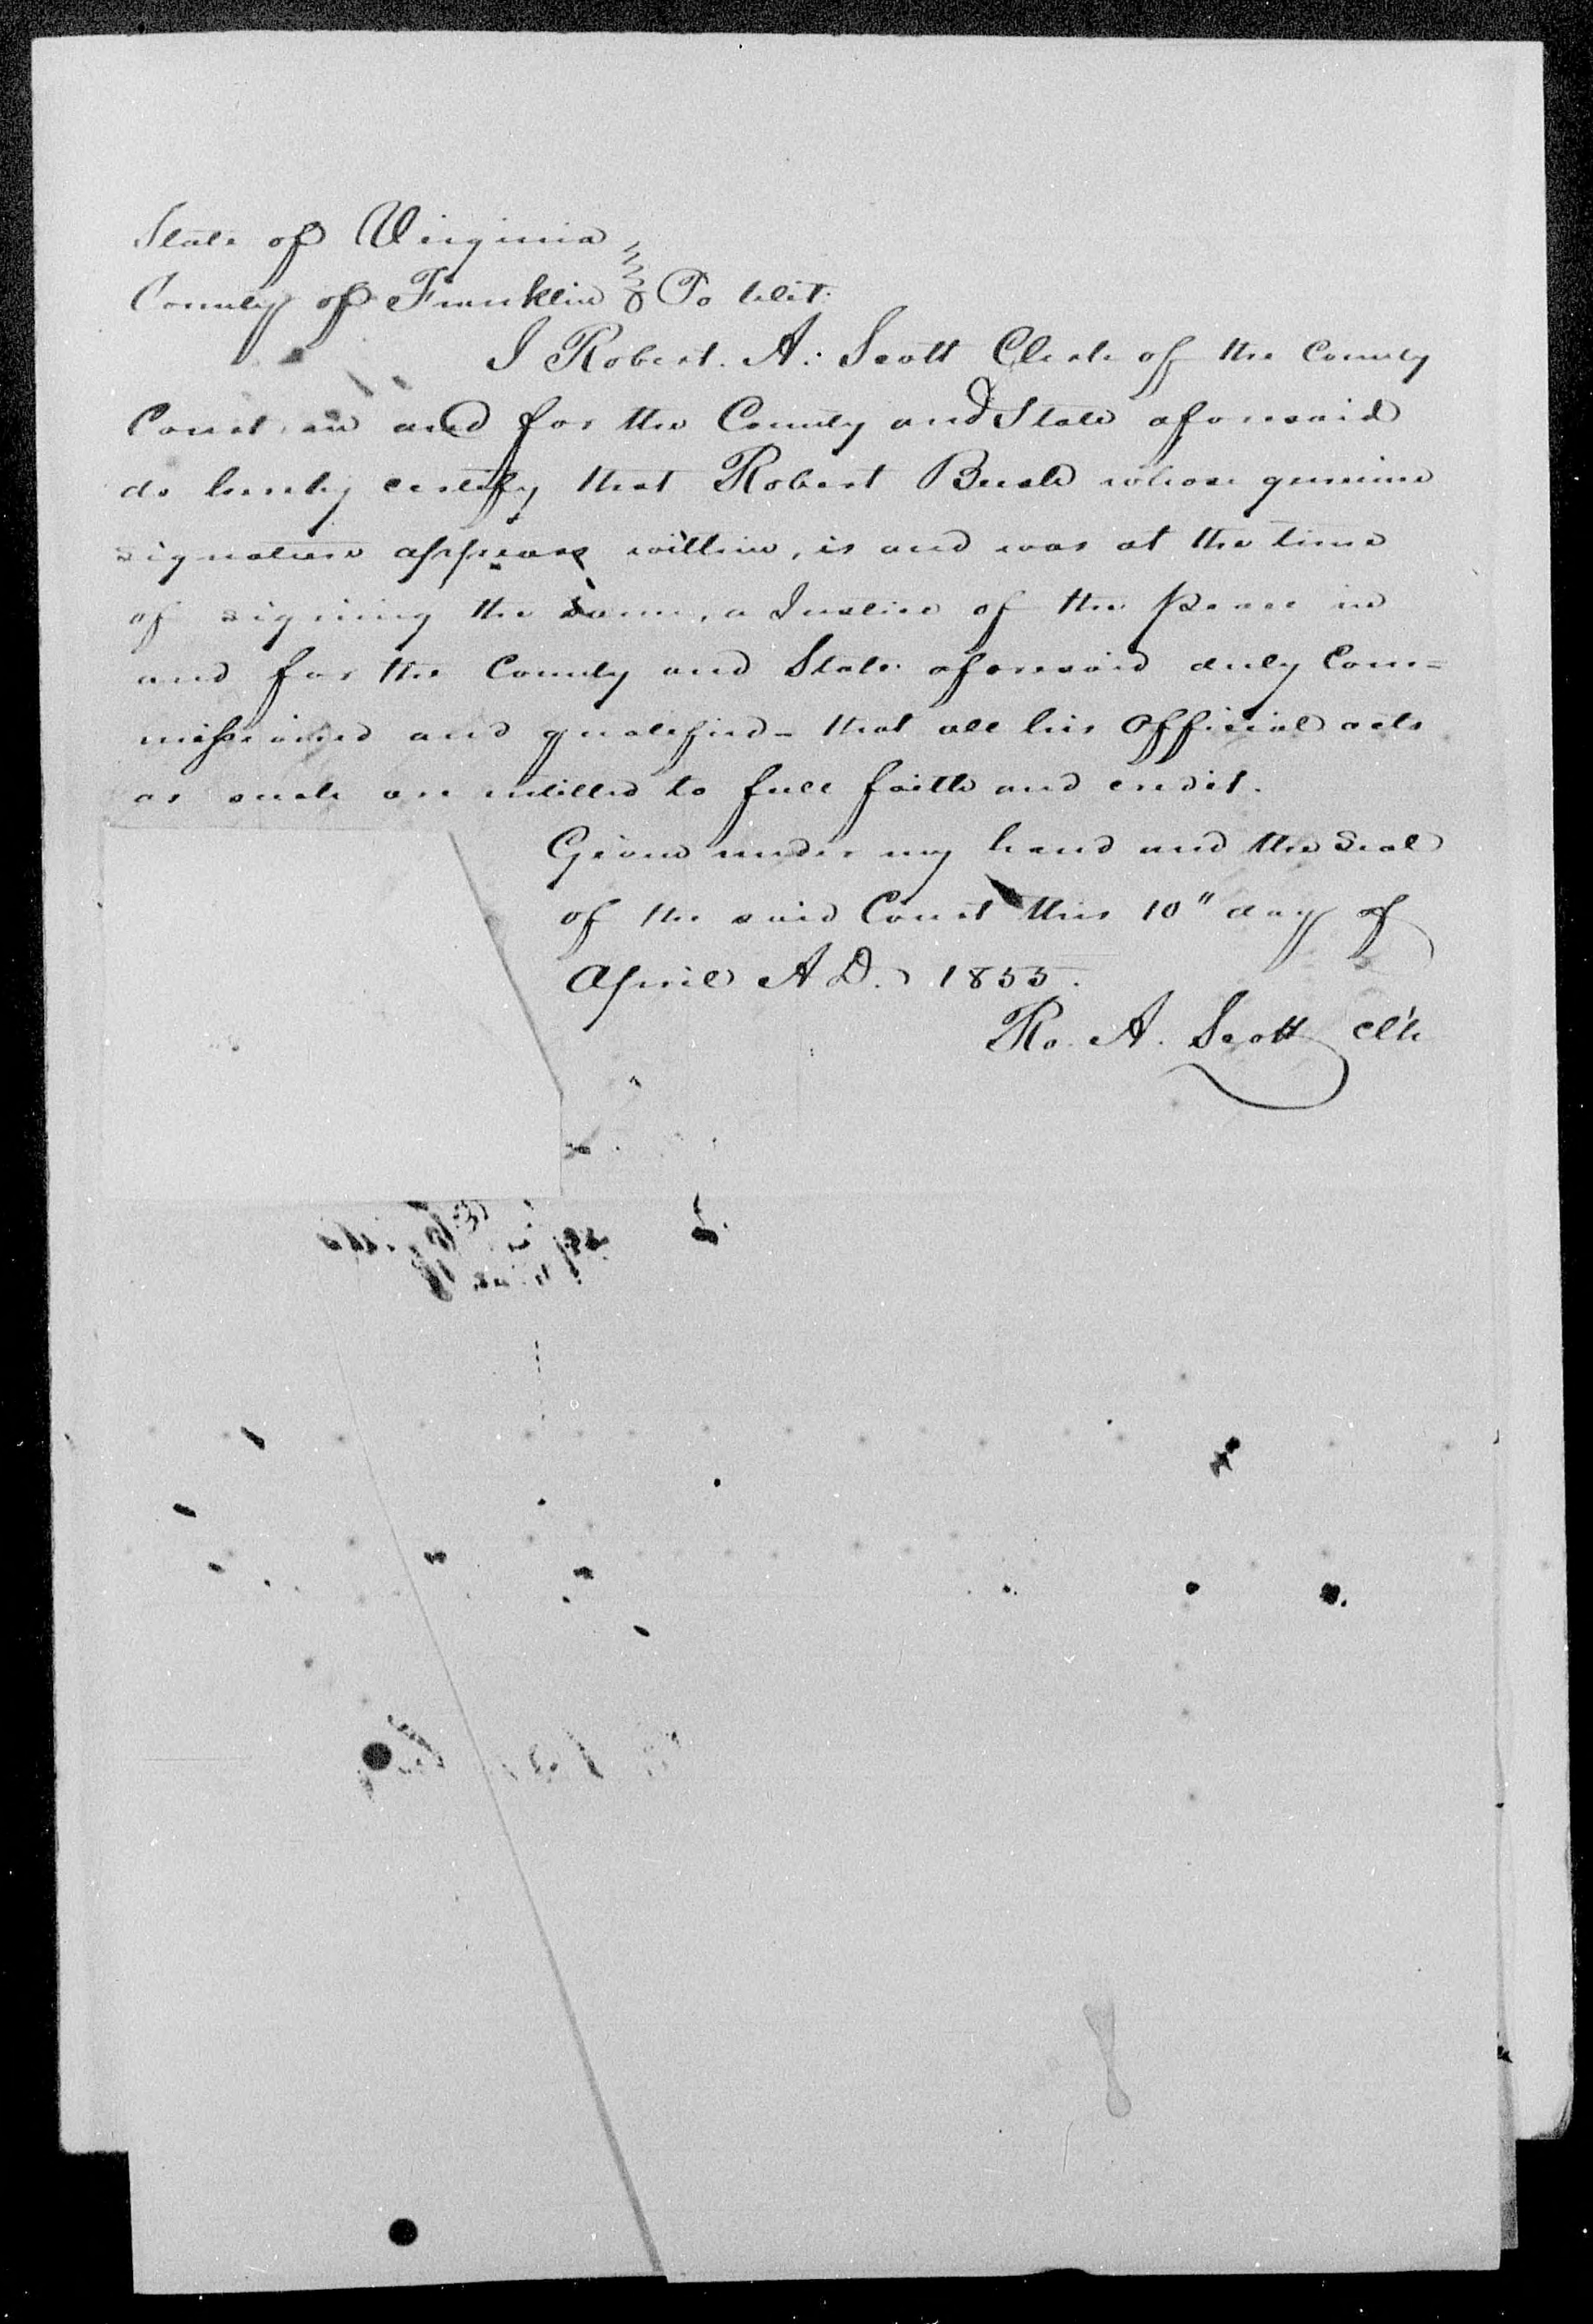State of Virginia}
County of Franklin} To Wit:
I Robert A. Scott Clerk of the County Court and for the County and State aforesaid do hereby certify that Robert Bush whose genuine signature appears written, is and was at the time of signing the same a Justice of the Peace in and for the County and State aforesaid duly Commissioned and qualified that all his official acts as such are entitled to full faith and credit.
Given under my hand and the Seal of the said Court this 10th day of April A.D. 1855
Ro A. Scott, Clk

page: 11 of 33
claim: widow's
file: W. 550, for Leonard Hutts, Virginia